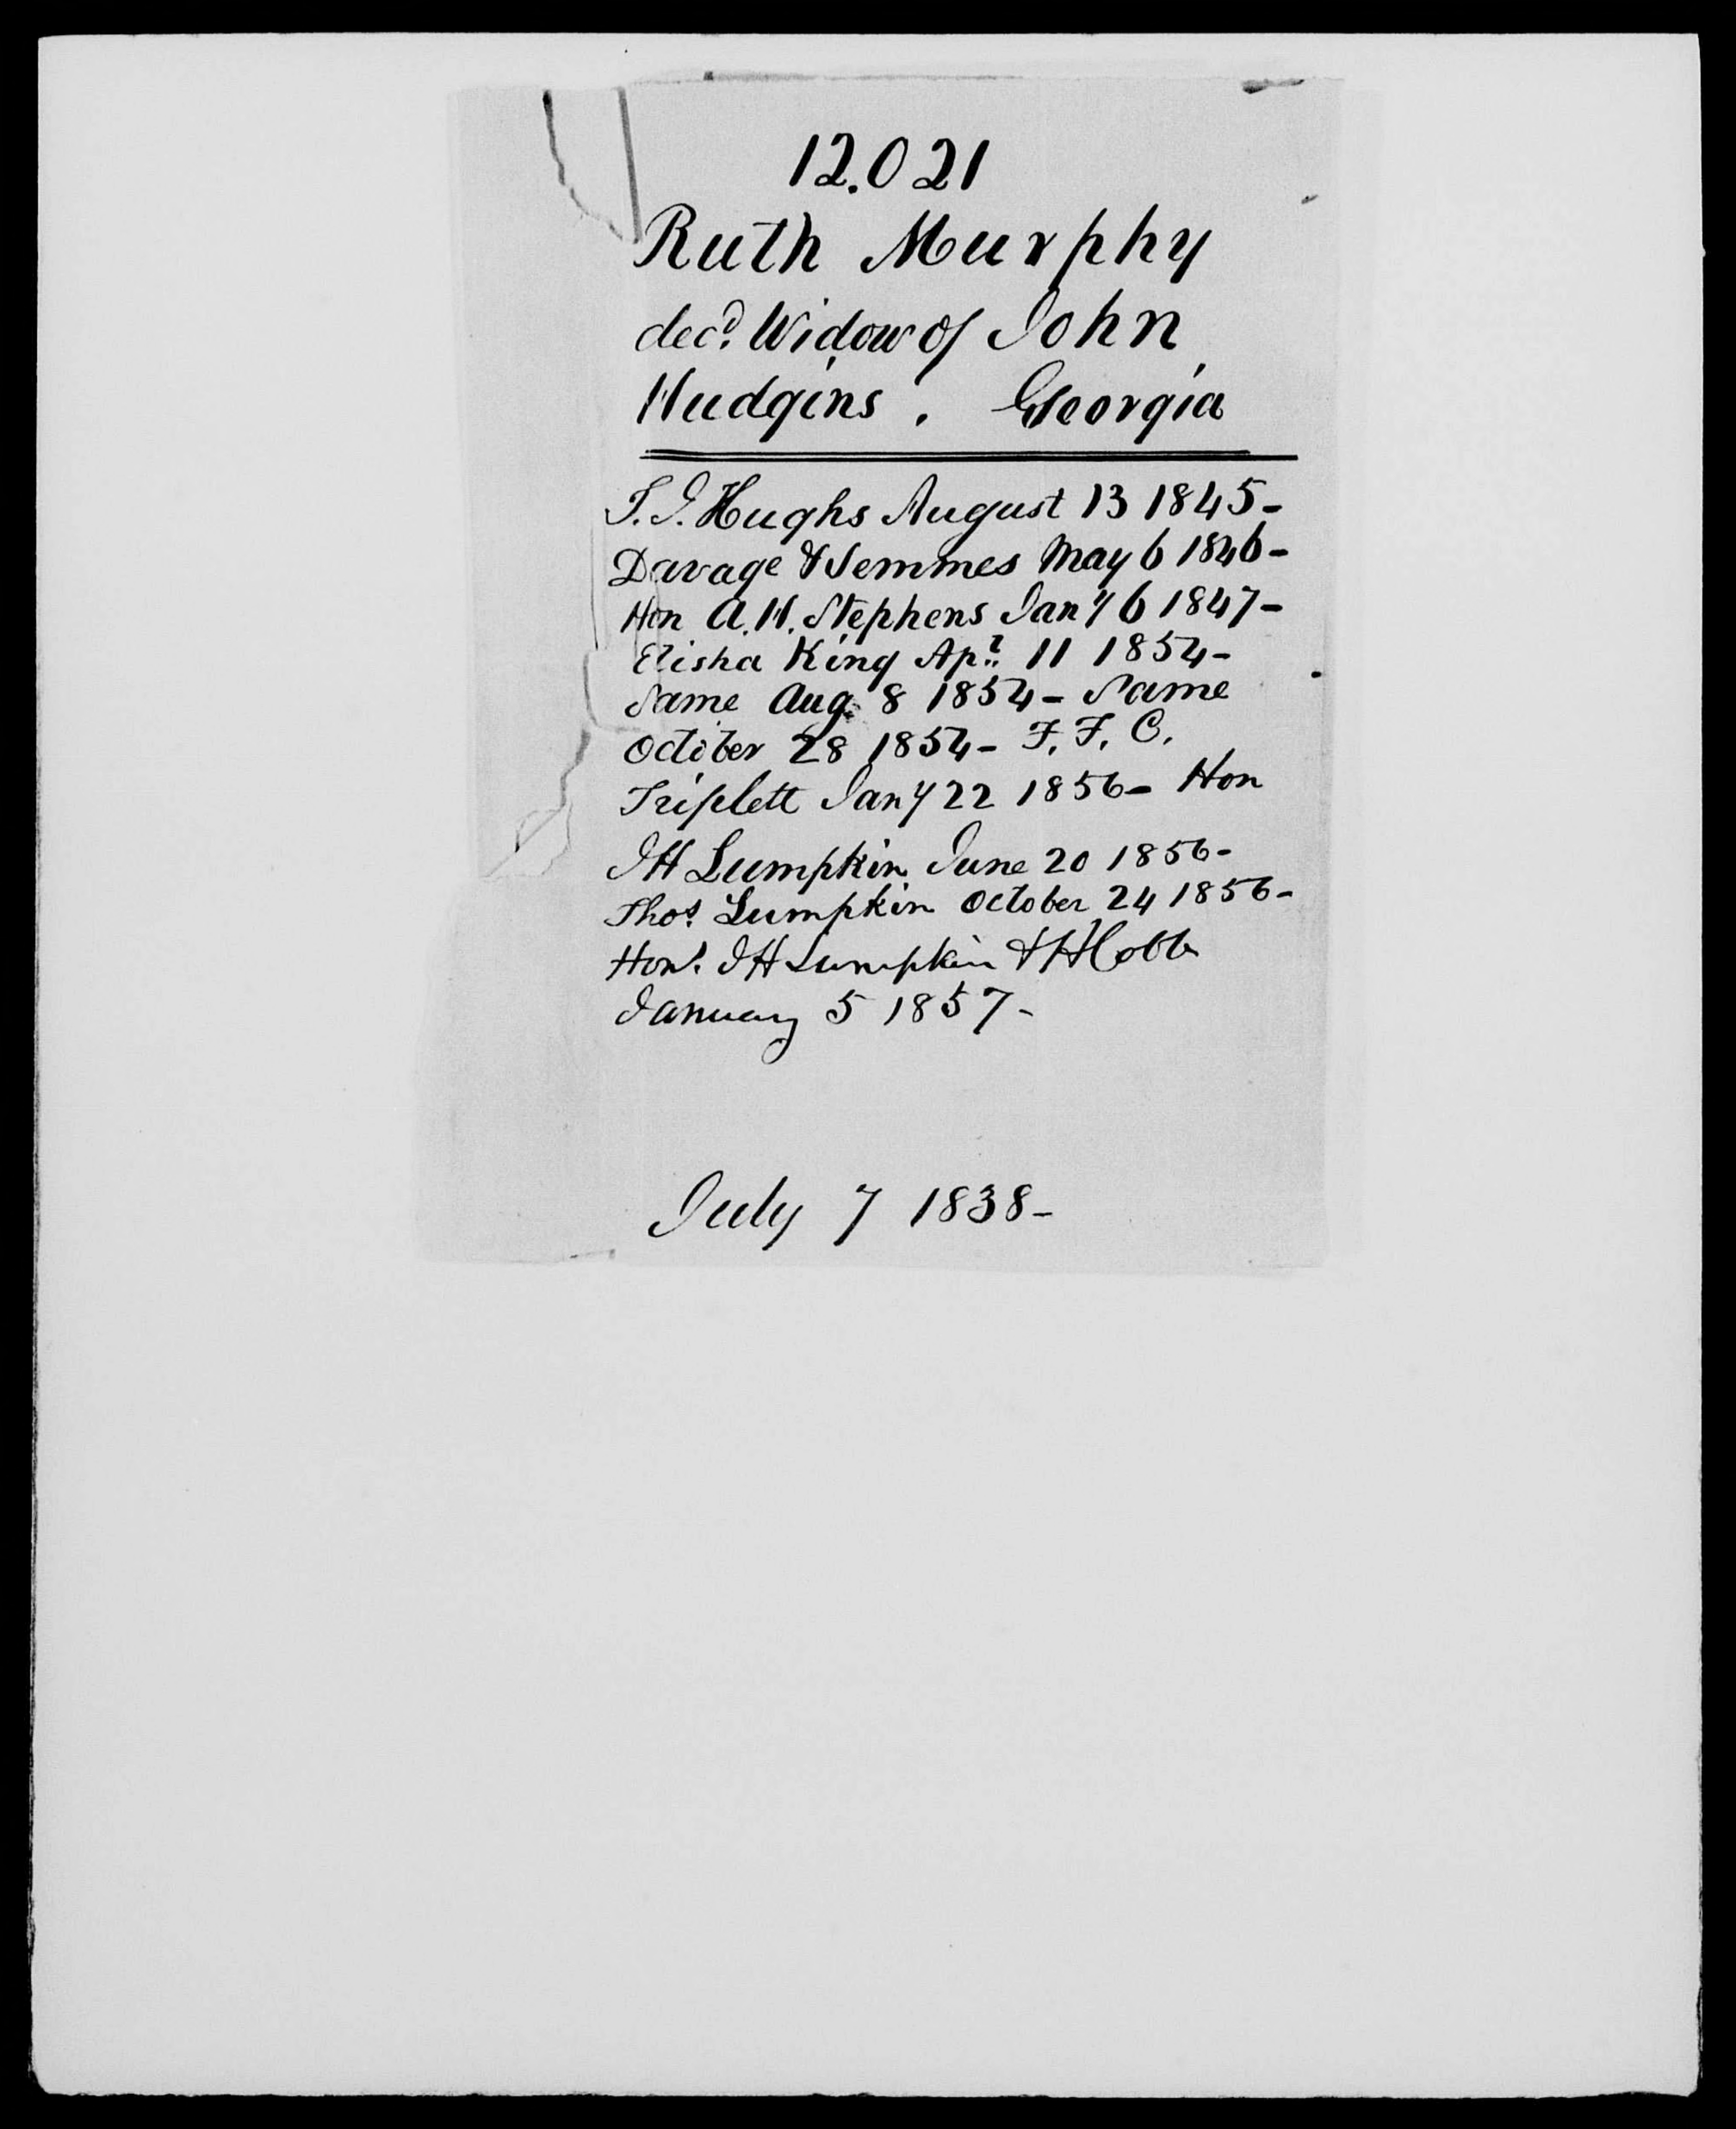12021
Ruth Murphy dec? Widow of John Hudgins Georgia
____________________________________
L.J. Hughs August 13 1845-
Damage & Lemmes May 6 1846-
Hon A.H. Stephen’s Jan 16 1847-
Elisha King April 11 185
Same Aug 8 1854 - Same
October 28 1854 - F.F.C
Triplett Jan 1/22 1856- Hon
LH Lumpkin June 20 1856-
Hon. LH Lumpkin & H Cobb
January 5 1857

July 7 1838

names: A H Stephens, John Hudgins, Elisha King, H Cobb, Davage, Ruth Murphy, Thos Lumpkin, J H Lumpkin, Semmes, F F C Triplett, T J Hughs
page: 16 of 108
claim: rejected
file: R. 7,515, John Hudgins, N.C.